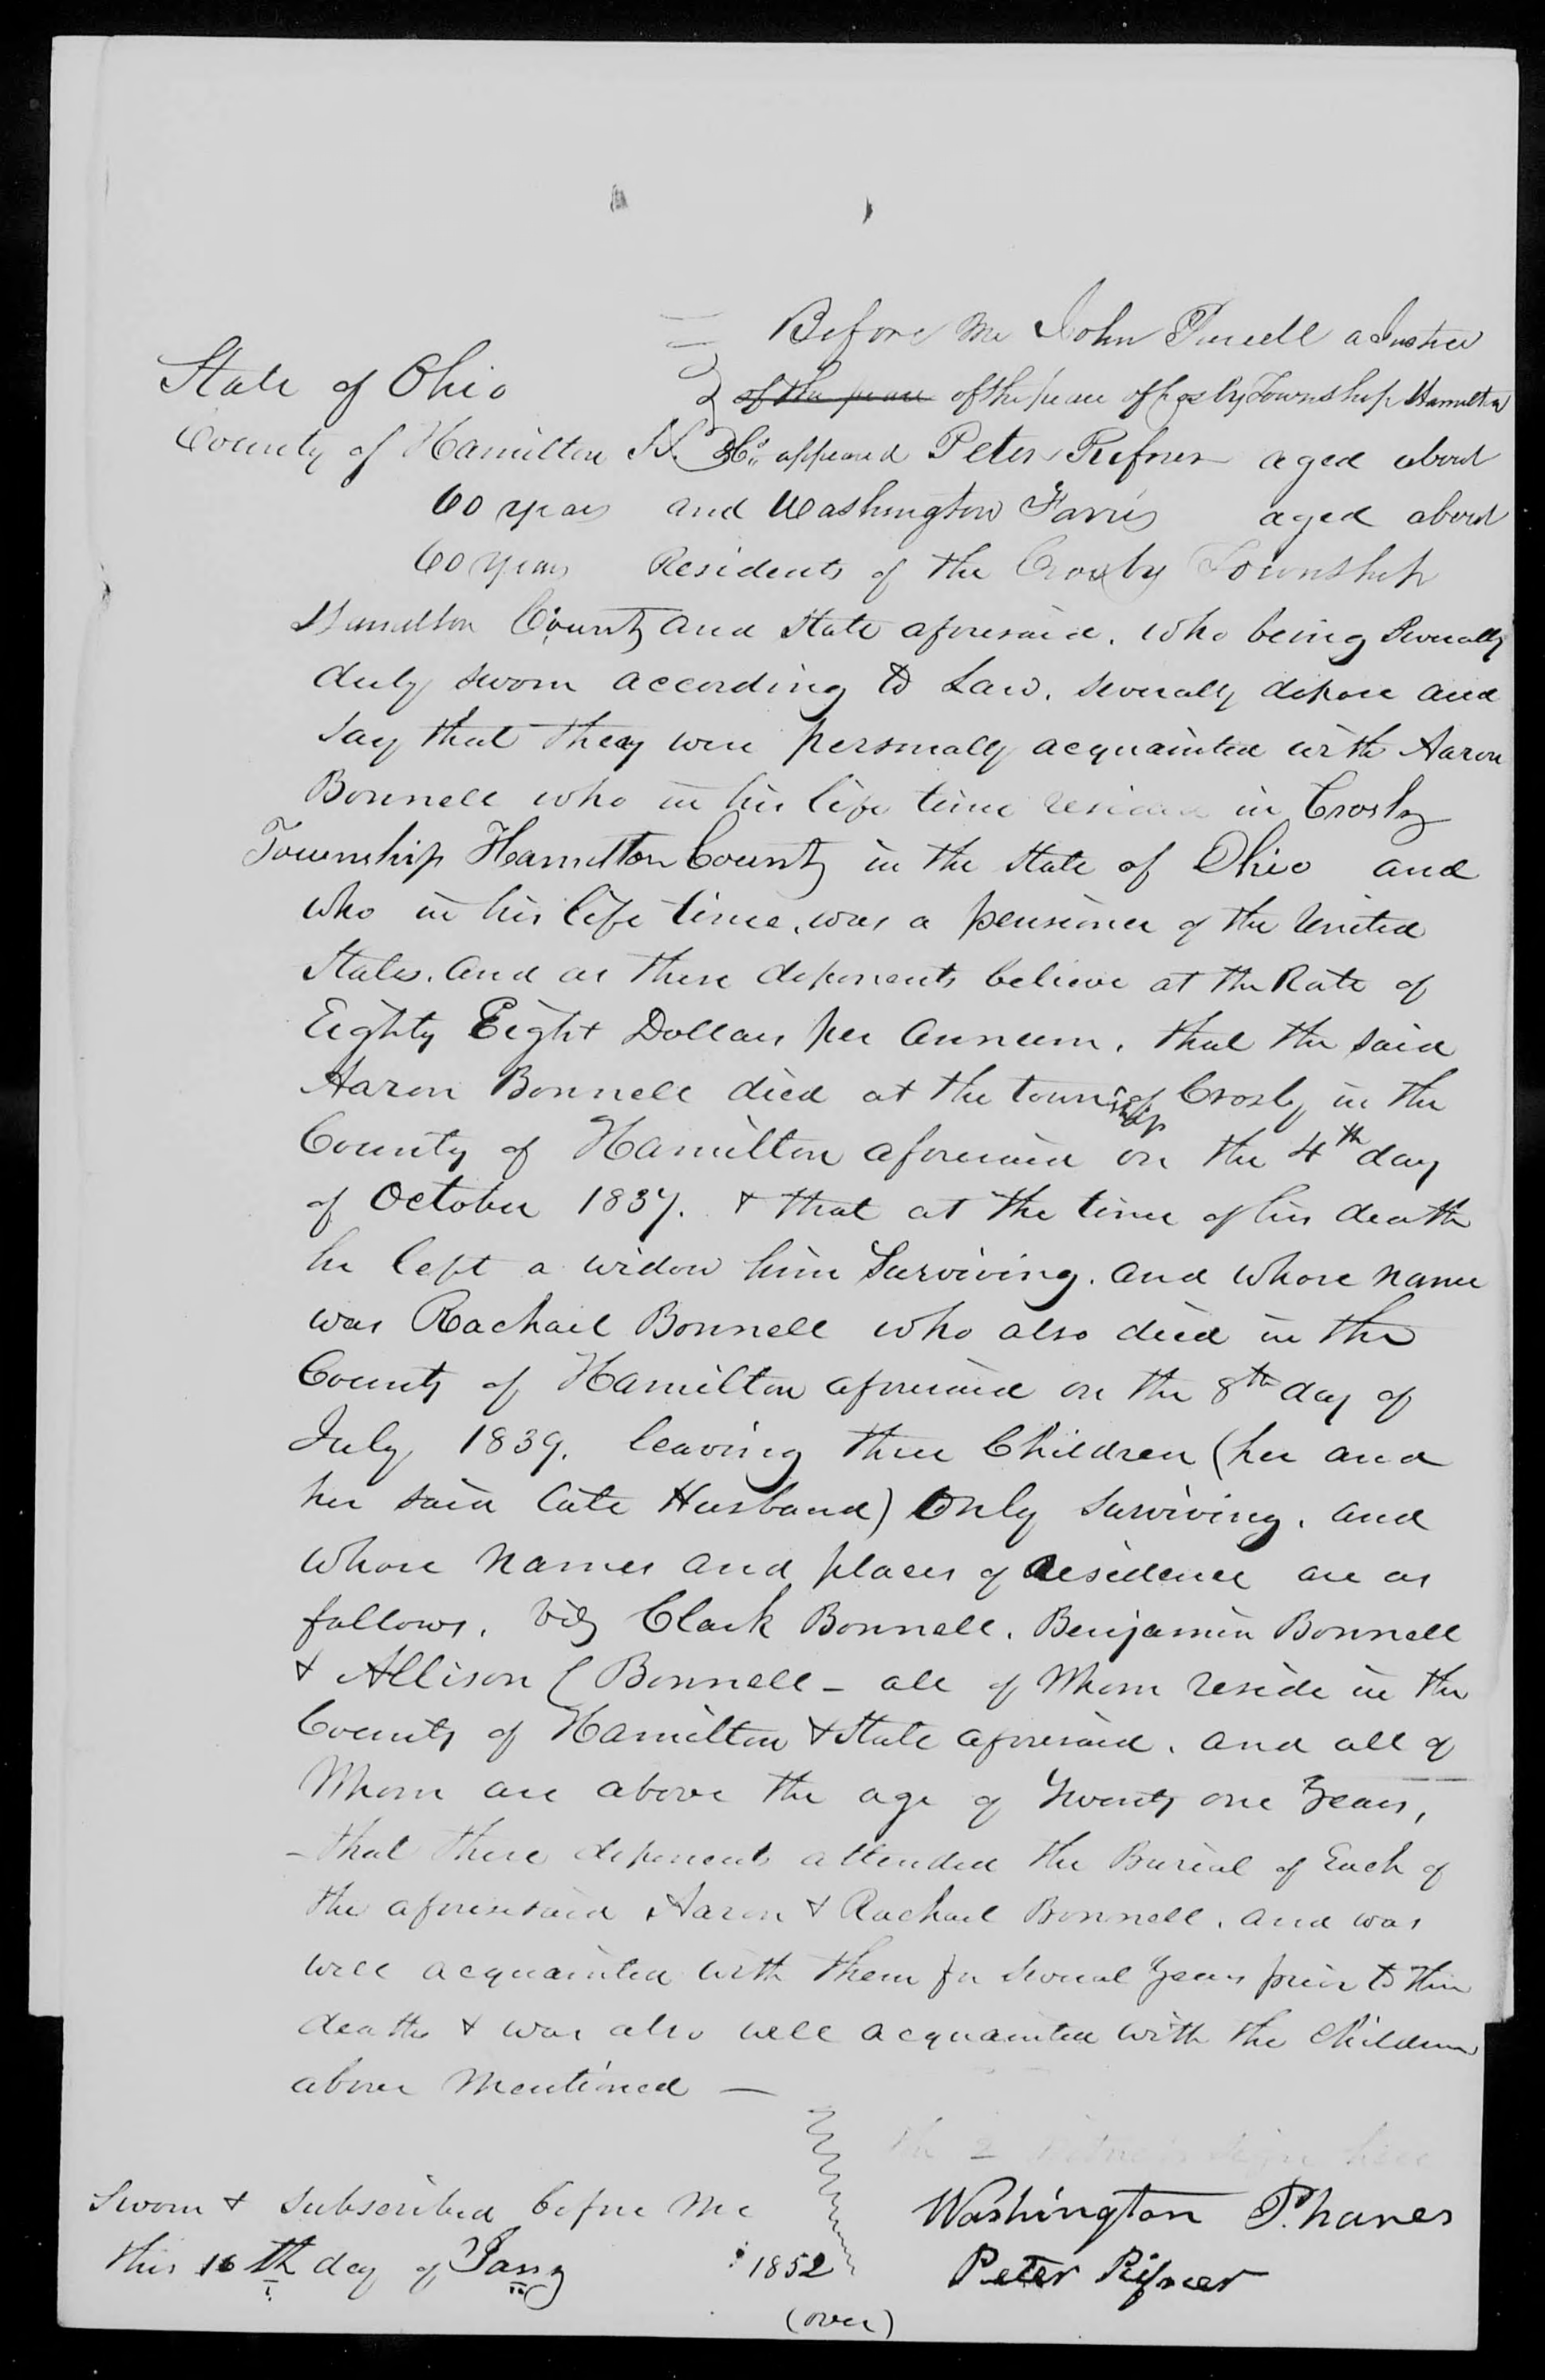State of Ohio
County of Hamilton
Before me John Purcell a Justice of the Peace of Crosby Township Hamilton Co appeared Peter Rifner aged about 60 years and Washington Farris aged about 60 years residents of the Crosby Township Hamilton County and State aforesaid, who being severally duly sworn according to law, severally depose and say that they were personally acquainted with Aaron Bonnel who in his life time resided in Crosby Township Hamilton County in the State of Ohio and who in his life time was a pensioner of the United States, and as these deponents believe at the rate of Eighty eight dollars per annum, that the said Aaron Bonnell died at the Township of Crosby in the County of Hamilton aforesaid on the 4th day of October 1837 & that at the time of his death he left a widow him surviving and whose name was Rachael Bonnell who also died in the County of Hamilton aforesaid on the 8th day of July 1839 leaving three children (her and her said late husband) only surviving and whose names and places of residence are as follows, viz. Clark Bonnell, Benjamin Bonnell & Allison C Bonnell - all of whom reside int he County of Hamilton & State aforesaid, and all of whom are above the age of twenty one years.  That these deponents attended the burial of each of the aforesaid Aaron & Rachael Bonnell and was well acquainted with them for several years prior to their deaths and was also well acquainted with the children above mentioned. 
Washington Phares
Peter Rifner
Sworn & subscribed before me this 16th day of Jany 1852
(over)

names: Benjamin Bonnell, Rachael Bonnell, Washington Farris, John Purcell, Washington Phanes, Clark Bonnell, Peter Rifner, Aaron Bonnell, Rachael Bonnell, Allison C Bonnell, Peter Rifner, Aaron Bonnell, Aaron Bonnell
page: 53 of 67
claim: rejected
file: R. 1009, Aaron Bonnel, New Jersey